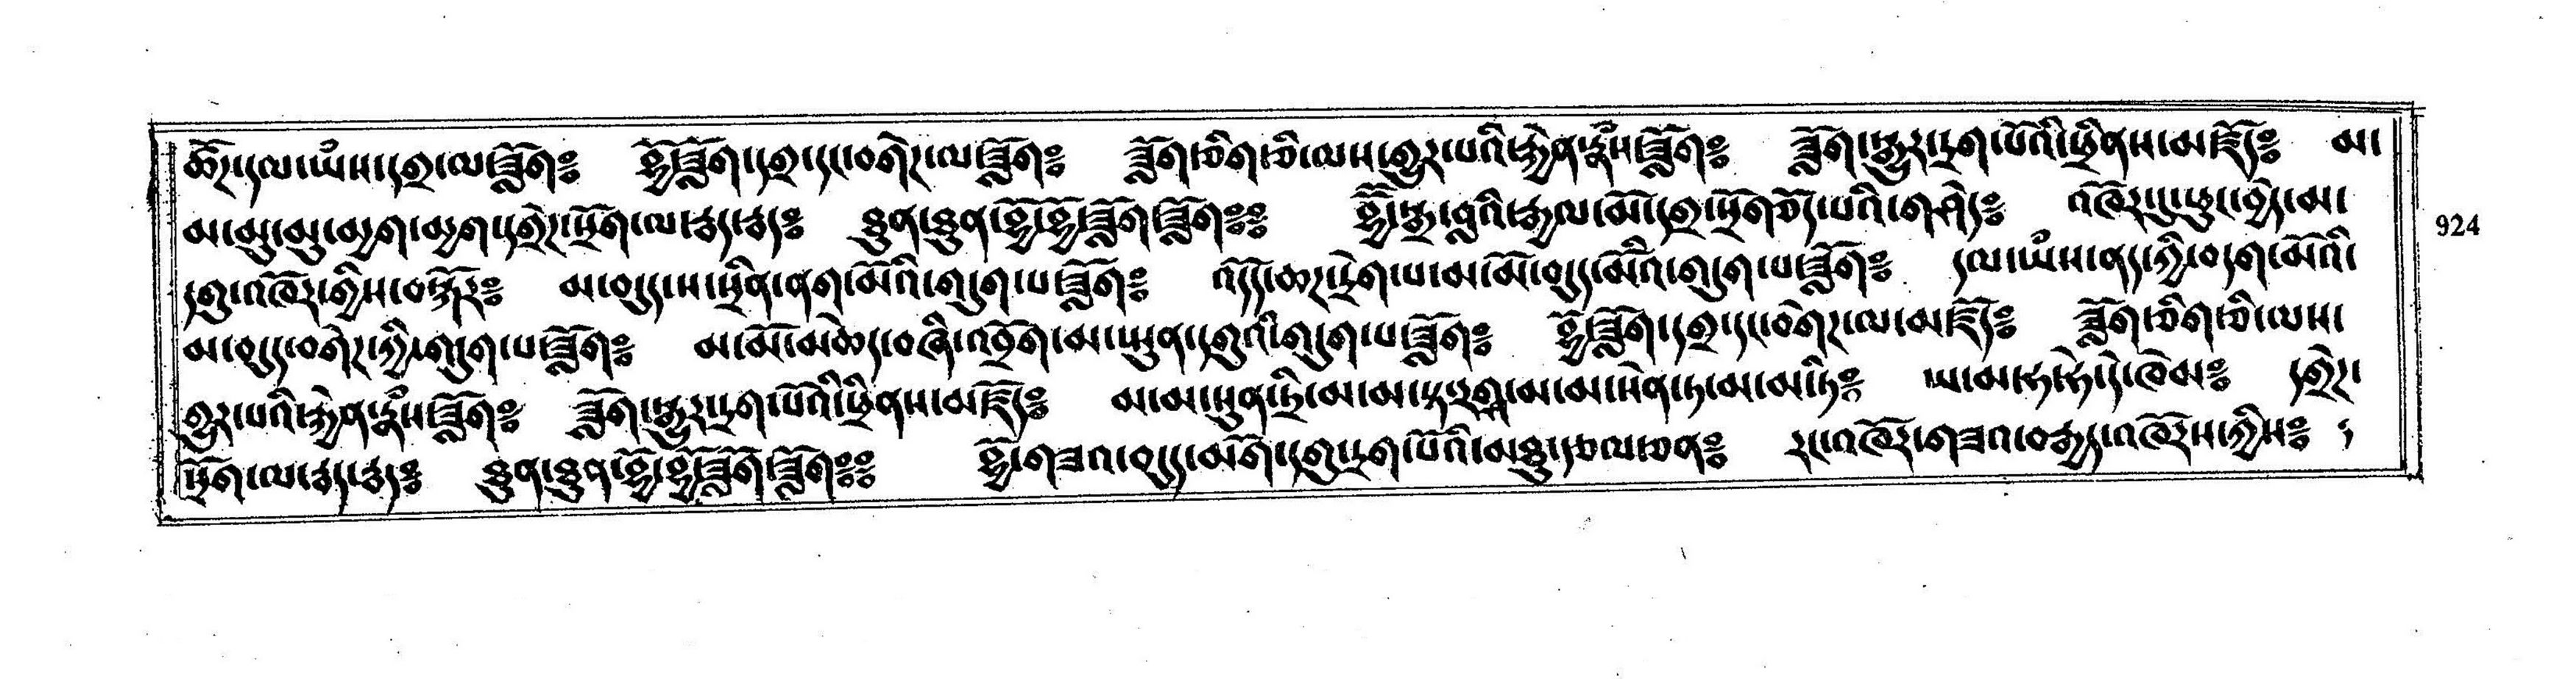ཚོགས་དལ་ཡམས་དགྲ་ལ་ཟློག༔ བྷྱོ་ཟློག་དགྲ་དང་བགེགས་ལ་ཟློག༔ ཟློག་ཅིག་ཅི་ལས་གྱུར་པའི་རྐྱེན་རྣམས་ཟློག༔ ཟློག་སྒྱུར་དྲག་པོའི་ཕྲིན་ལས་མཛོད༔ མ་
མ་མུ་མུ་མྱག་མྱག་དགྲ་བགེགས་སྲོག་ལ་རྦད་རྦད༔ ཐུན་ཐུན་བྷྱོ་བྷྱོ་ཟློག་ཟློག༔༔ བྷྱོ་བྷྱོ་སྒྲ་བླའི་རྒྱལ་མོ་དགྲ་སྲོག་གཅོད་པའི་གཤེད༔ འཁོར་དུ་ཕུང་བྱེད་མ་
དགུ་འཁོར་གྱིས་བསྐོར༔ མ་བདུད་ས་སྲིན་ནག་མོའི་གདུག་པ་ཟློག༔ འདོད་ཆགས་དྲེག་པ་མ་མོ་བདུད་མོའི་གདུག་པ་ཟློག༔ དལ་ཡམས་ནད་ཀྱི་བདག་མོའི་
མ་བདུད་བགེགས་ཀྱི་གདུག་པ་ཟློག༔ མ་མོ་མཆེད་བཞི་འབྲོག་མ་སྤུན་དགུའི་གདུག་པ་ཟློག༔ བྷྱོ་ཟློག་དགྲ་དང་བགེགས་ལ་མཛོད༔ ཟློག་ཅིག་ཅི་ལས་
གྱུར་པའི་རྐྱེན་རྣམས་ཟློག༔ ཟློག་སྒྱུར་དྲག་པོའི་ཕྲིན་ལས་མཛོད༔ མ་མ་སུན་ཏྲི་མ་མ་སྟ་རགྴ་མ་མ་སེན་ཏ་མ་མ་ཏི༔ ཡ་མ་ཧ་ཧེ་དེ་ཁེམ༔ དགྲ་བགེགས་
སྲོག་ལ་རྦད་རྦད༔ ཐུན་ཐུན་བྷྱོ་བྷྱོ་ཟློག་ཟློག༔༔ བྷྱོ་གཟའ་བདུད་མགོ་དགུ་དྲག་པོའི་མཐུ་རྩལ་ཅན༔ རང་འཁོར་གཟའ་བརྒྱད་འཁོར་བཅས་ཀྱིས༔